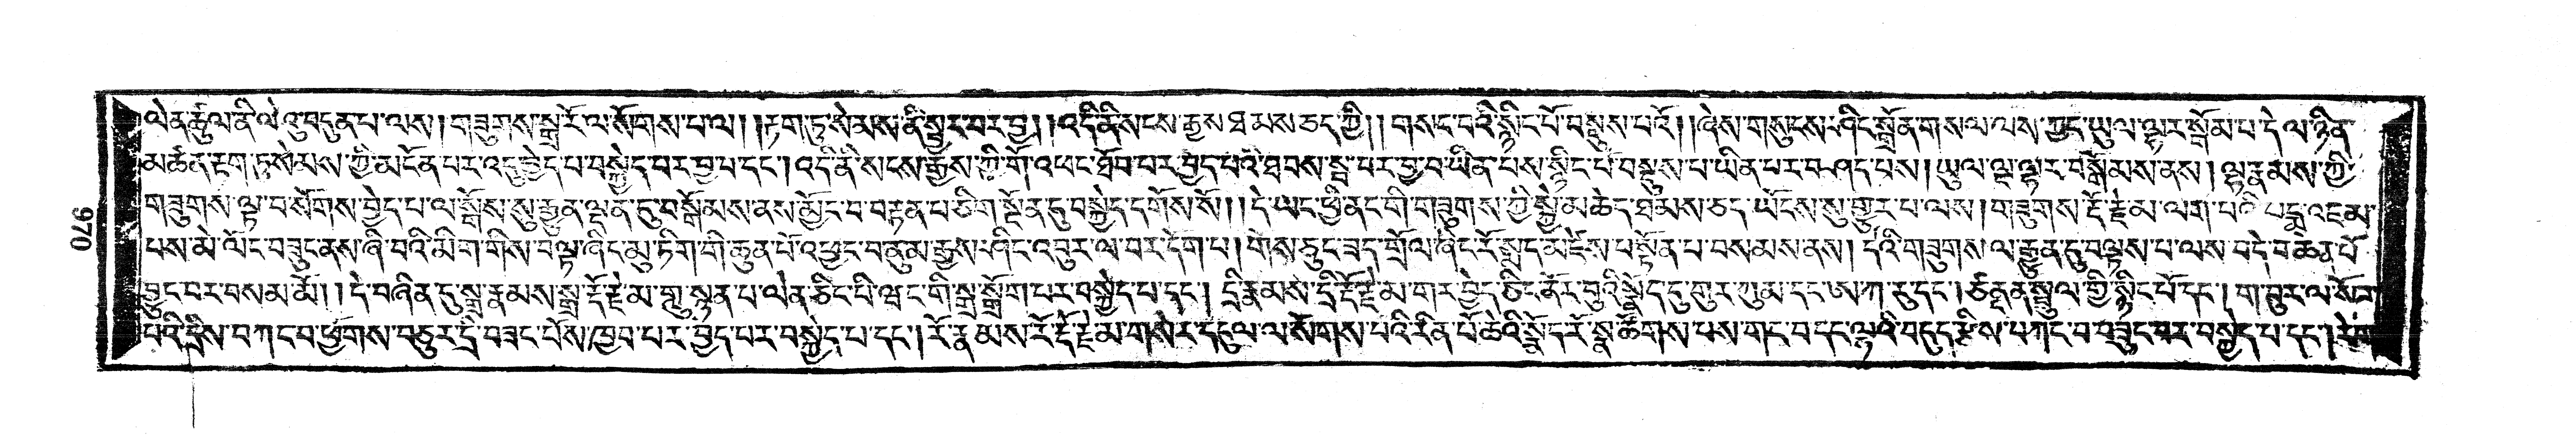ལེན་ཚུལ་ནི་ལེའུ་བདུན་པ་ལས། གཟུགས་སྒྲ་རོ་ལ་སོགས་པ་ལ། །རྟག་ཏུ་སེམས་ནི་སྦྱར་བར་བྱ། །འདི་ནི་སངས་རྒྱས་ཐམས་ཅད་ཀྱི། །གསང་བའི་སྙིང་པོ་བསྡུས་པའོ། །ཞེས་གསུངས་ཤིང་སྒྲོན་གསལ་ལས་ཀྱང་ཡུལ་ལྷར་སྒོམ་པ་དེ་ལ་ཉིན་
མཚན་རྟག་ཏུ་སེམས་ཀྱི་མངོན་པར་འདུ་བྱེད་པ་བསྐྱེད་པར་བྱ་བ་དང་། འདི་ནི་སངས་རྒྱས་ཀྱི་གོ་འཕང་ཐོབ་པར་བྱེད་པའི་ཐབས་སྦ་བར་བྱ་བ་ཡིན་པས་སྙིང་པོ་བསྡུས་པ་ཡིན་པར་བཤད་པས། ཡུལ་ལྔ་ལྷར་བསྒོམས་ནས། ལྷ་རྣམས་ཀྱི་
གཟུགས་ལྟ་བ་སོགས་བྱེད་པ་ལ་སྒོས་སུ་རྒྱུན་ལྡན་དུ་བསྒོམས་ནས་མྱོང་བ་བརྟན་པ་ཅིག་སྔོན་དུ་བསྐྱེད་དགོས་སོ། །དེ་ཡང་ཕྱི་ནང་གི་གཟུགས་ཀྱི་སྐྱེ་མཆེད་ཐམས་ཅད་ཡོངས་སུ་གྱུར་པ་ལས། གཟུགས་རྡོ་རྗེ་མ་ལག་པའི་པདམ་འཇམ་
པས་མེ་ལོང་བཟུང་ནས་ཞི་བའི་མིག་གིས་བལྟ་ཞིང་མུ་ཏིག་གི་ཆུན་པོ་འཕྱང་བ་ནུ་མ་རྒྱས་ཤིང་འབུར་ལ་བར་དོག་པ། གོས་ཅུང་ཟད་གྲོལ་ཞིང་རོ་སྨད་མཛེས་པ་སྟོན་པ་བསམས་ནས། དེའི་གཟུགས་ལ་རྒྱུན་དུ་བལྟས་པ་ལས་བདེ་བ་ཆེན་པོ་
བྱུང་བར་བསམ་མོ། །དེ་བཞིན་དུ་སྒྲ་རྣམས་སྒྲ་རྡོ་རྗེ་མ་གླུ་སྙན་པ་ལེན་ཅིང་པི་ཝང་གི་སྒྲ་སྒྲོག་པར་བསྐྱེད་པ་དང་། དྲི་རྣམས་དྲི་རྡོ་རྗེ་མ་གར་བྱེད་ཅིང་ནོར་བུའི་སྣོད་དུ་གུར་ཀུམ་དང་ཨ་ཀ་རུ་དང་། ཙནྡན་སྦྲུལ་གྱི་སྙིང་པོ་དང་། ག་བུར་ལ་སོགས་
པའི་དྲིས་བཀང་བ་ཕྱོགས་བཅུར་དྲི་བཟང་པོས་ཁྱབ་པར་བྱེད་པར་བསྐྱེད་པ་དང་། རོ་རྣམས་རོ་རྡོ་རྗེ་མ་གསེར་དངུལ་ལ་སོགས་པའི་རིན་པོ་ཆེའི་སྣོད་རོ་སྣ་ཚོགས་པས་གང་བ་དང་ལྷའི་བདུད་རྩིས་བཀང་བ་བཟུང་བར་བསྐྱེད་པ་དང་། རེག་